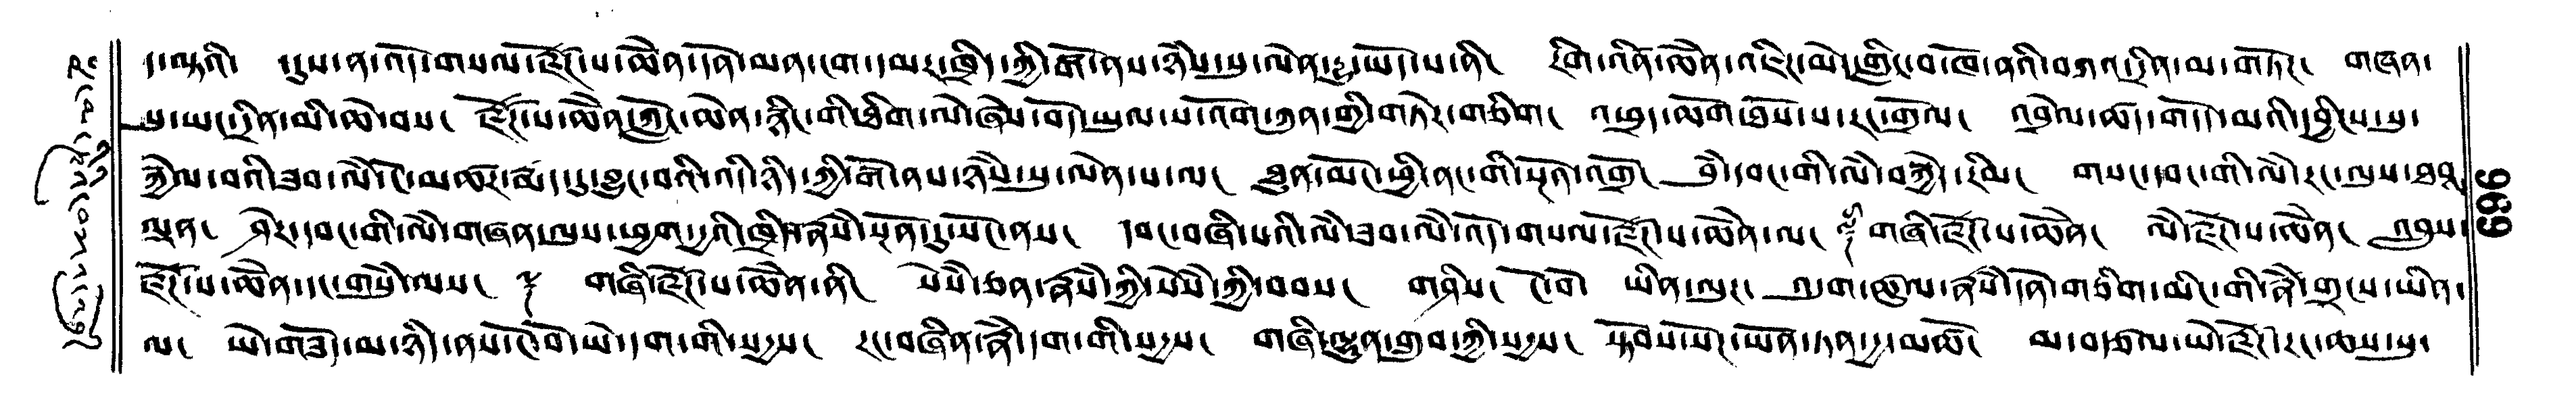ད་ལྟའི། དུས་ན་འོད་གསལ་རྫོགས་པ་ཆེན་པོའི་དོན་མན་ངག་དམར་ཁྲིད་ཀྱི་སྒོ་ནས་ཉམས་སུ་ལེན་རྒྱུ་ཡོད་པ་ནི། རིག་འཛིན་ཆེན་པོ་འཇིགས་མེད་གླིང་བ་ཁོ་ནའི་བཀའ་དྲིན་མ་གཏོགས།གཞན་
སུ་ཡང་དྲིན་མི་ཆེ་བས། རྫོགས་པ་ཆེན་པོ་ཀློང་ཆེན་སྙིང་གི་ཐིག་ལེ་ཞེས་བོད་ཡུལ་ས་འོག་ཀུན་གྱི་གཏེར་གཅིག འཕྲད་ཆོག་ཐོས་པ་རང་གྲོལ། འབྲེལ་ཚད་གདོད་མའི་དབྱིངས་སུ་
སྐྱེལ་བའི་ཟབ་ལམ་ངོ་མཚར་རྨད་དུ་བྱུང་བ་འདི་ཉིད་ཀྱི་སྒོ་ནས་ཉམས་སུ་ལེན་པ་ལ། ཐུན་མོང་ཕྱི་ནང་གི་སྔོན་འགྲོ། བུམ་དབང་གི་ལམ་བསྐྱེད་རིམ། འབྲེལ་ཚད་གདོད་མའི་དབྱིངས་སུ་སྐྱེལ་བའི་ཟབ་ལམ་ངོ་མཚར་རྨད་དུ་བྱུང་བ་འདི་ཉིད་ཀྱི་སྒོ་ནས་ཉམས་སུ་ལེན་པ་ལ། ཐུན་མོང་ཕྱི་ནང་གི་སྔོན་འགྲོ། བུམ་དབང་གི་ལམ་བསྐྱེད་རིམ། གསང་དབང་གི་ལམ་རང་ལུས་ཐབས་
ལྡན། ཤེར་དབང་གི་ལམ་གཞན་ལུས་ཕྱག་རྒྱའི་ཁྲིད་རྣམས་སྔོན་དུ་སོང་ནས། དབང་བཞིའི་ལམ་ཟབ་ལམ་འོད་གསལ་རྫོགས་པ་ཆེན་པོ་ལ། ༈ གཞི་རྫོགས་པ་ཆེན་པོ། ལམ་རྫོགས་པ་ཆེན་པོ། འབྲས་བུ་
རྫོགས་པ་ཆེན་པོ་དང་གསུམ་ལས། ༈ གཞི་རྫོགས་པ་ཆེན་པོ་ནི། སེམས་ཅན་རྣམས་ཀྱི་སེམས་ཀྱི་བབས། གཤིས། ངོ་བོ། ཡིན་ལུགས། འདུག་ཚུལ་རྣམས་དོན་གཅིག་མིང་གི་རྣམ་གྲངས་ཡིན་
ལ། ཡེ་གཟོད་མ་ཉིད་ནས་ངོ་བོ་ཡེ་དག་གི་སངས་རྒྱས། རང་བཞིན་རྣམ་དག་གི་སངས་རྒྱས། གཞི་ལྷུན་གྲུབ་ཀྱི་སངས་རྒྱས། སྟོབས་སོགས་ཡོན་ཏན་རྒྱ་མཚོ། མ་བརྩལ་ཡེ་རྫོགས་རང་ཆས་སུ་